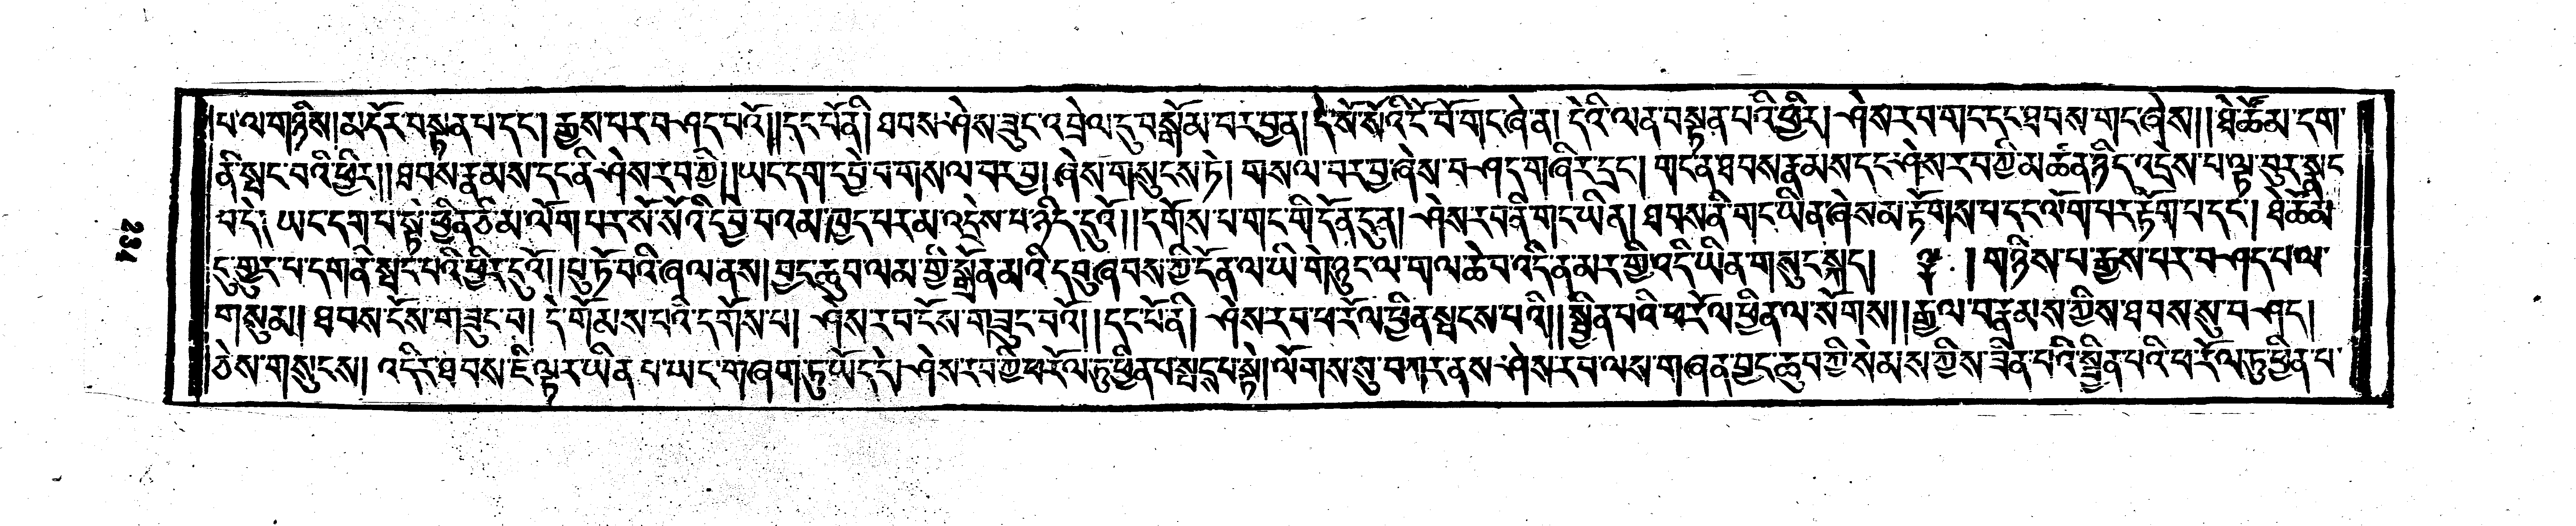པ་ལ་གཉིས། མདོར་བསྟན་པ་དང་། རྒྱས་པར་བཤད་པའོ། །དང་པོ་ནི། ཐབས་ཤེས་ཟུང་འབྲེལ་དུ་བསྒོམ་པར་བྱ་ན། དེ་སོ་སོའི་ངོ་བོ་གང་ཞེ་ན། དེའི་ལན་བསྟན་པའི་ཕྱིར། ཤེས་རབ་གང་དང་ཐབས་གང་ཞེས། །ཐེ་ཚོམ་དག་
ནི་སྤང་བའི་ཕྱིར། །ཐབས་རྣམས་དང་ནི་ཤེས་རབ་ཀྱི། །ཡང་དག་དབྱེ་བ་གསལ་བར་བྱ། ཞེས་གསུངས་ཏེ། གསལ་བར་བྱ་ཞེས་བཤད་གཞིར་དྲང་། གང་ན་ཐབས་རྣམས་དང་ཤེས་རབ་ཀྱི་མཚན་ཉིད་འདྲེས་པ་ལྟ་བུར་སྣང་
བ་དེ། ཡང་དག་པ་སྟེ་ཕྱིན་ཅི་མ་ལོག་པར་སོ་སོའི་དབྱེ་བའམ་ཁྱད་པར་མ་འདྲེས་པ་ཉིད་དུའོ། །དགོས་པ་གང་གི་དོན་དུ་ན། ཤེས་རབ་ནི་གང་ཡིན། ཐབས་ནི་གང་ཡིན་ཞེས་མ་རྟོགས་པ་དང་ལོག་པར་རྟོག་པ་དང་། ཐེ་ཚོམ་
དུ་གྱུར་པ་དག་ནི་སྤང་བའི་ཕྱིར་དུའོ། །པུ་ཏོ་བའི་ཞལ་ནས། བྱང་ཆུབ་ལམ་གྱི་སྒྲོན་མའི་དབུ་ཞབས་ཀྱི་དོན་ལ་ཡི་གེ་ཉུང་ལ་གལ་ཆེ་བ་འདི་ན་མར་གྱི་འདི་ཡིན་གསུང་སྐད། ༈ །གཉིས་པ་རྒྱས་པར་བཤད་པ་ལ་
གསུམ། ཐབས་ངོས་གཟུང་བ། དེ་གོམས་པའི་དགོས་པ། ཤེས་རབ་ངོས་གཟུང་བའོ། །དང་པོ་ནི། ཤེས་རབ་ཕ་རོལ་ཕྱིན་སྤངས་པའི། །སྦྱིན་པའི་ཕ་རོལ་ཕྱིན་ལ་སོགས། །རྒྱལ་བ་རྣམས་ཀྱིས་ཐབས་སུ་བཤད།
ཅེས་གསུངས། འདིར་ཐབས་ཇི་ལྟར་ཡིན་པ་ཡང་གཞག་ཏུ་ཡོད་དེ། ཤེས་རབ་ཀྱི་ཕ་རོལ་ཏུ་ཕྱིན་པ་སྤངས་པ་སྟེ། ལོགས་སུ་བཀར་ནས་ཤེས་རབ་ལས་གཞན་བྱང་ཆུབ་ཀྱི་སེམས་ཀྱིས་ཟིན་པའི་སྦྱིན་པའི་ཕ་རོལ་ཏུ་ཕྱིན་པ་